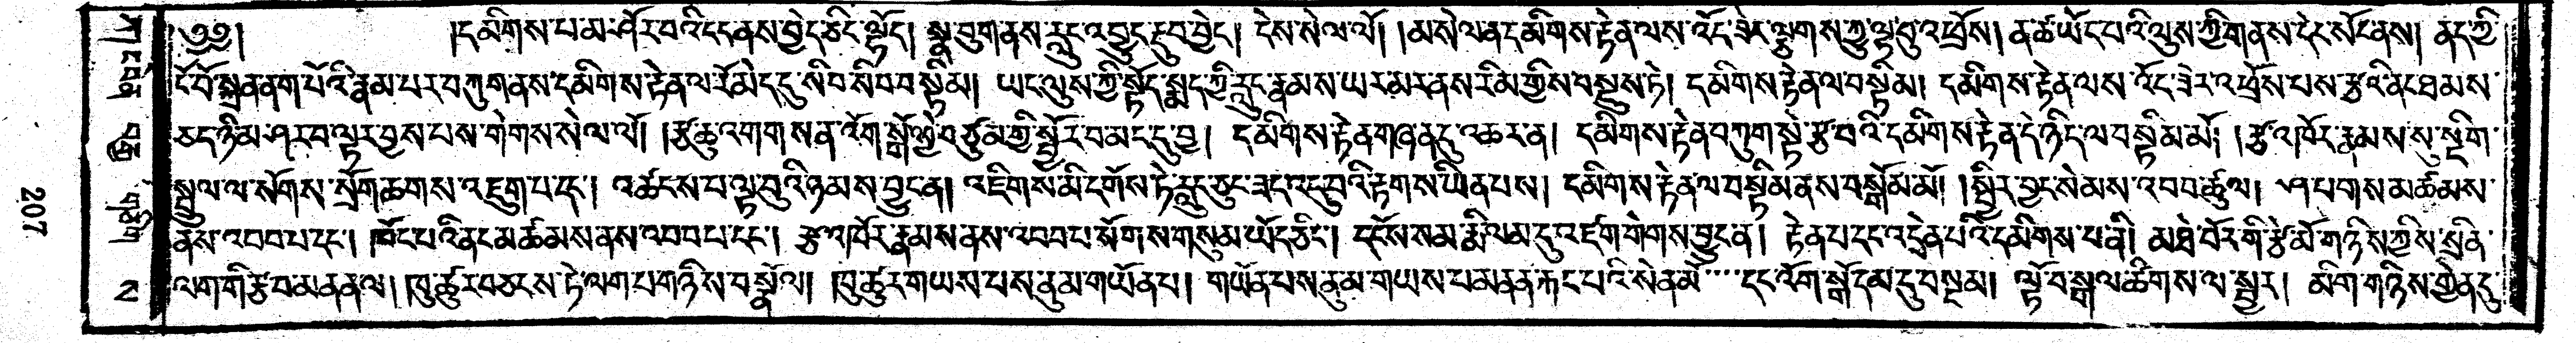༄༅། །དམིགས་པ་མ་ཤོར་བའི་དང་ནས་བྱེད་ཅིང་ལྷོད། སྣ་བུག་ནས་རླུང་འབྱུང་རྡུབ་བྱེད། དེས་སེལ་ལོ། །མ་སེལ་ན་དམིགས་རྟེན་ལས་འོད་ཟེར་ལྕགས་ཀྱུ་ལྟ་བུ་འཕྲོས། ན་ཚ་ཡོད་པའི་ལུས་ཀྱི་གནས་དེར་སོང་ནས། ནད་ཀྱི་
ངོ་བོ་སྐྲན་ནག་པོའི་རྣམ་པར་བཀུག་ནས་དམིགས་རྟེན་ལ་རོ་མེད་དུ་སིབ་སིབ་བསྟིམ། ཡང་ལུས་ཀྱི་སྟོད་སྨད་ཀྱི་རླུང་རྣམས་ཡར་མར་ནས་རིམ་གྱིས་བསྡུས་ཏེ། དམིགས་རྟེན་ལ་བསྟིམ། དམིགས་རྟེན་ལས་འོད་ཟེར་འཕྲོས་པས་རྩའི་ནང་ཐམས་
ཅད་ཉི་མ་ཤར་བ་ལྟར་བྱས་པས་གེགས་སེལ་ལོ། །རྩ་ཆུ་འགགས་ན་འོག་སྒོ་འབྱེ་བཙུམ་གྱི་སྦྱོར་བ་མང་དུ་བྱ། དམིགས་རྟེན་གཞན་དུ་འཆར་ན། དམིགས་རྟེན་བཀུག་སྟེ་རྩ་བའི་དམིགས་རྟེན་དེ་ཉིད་ལ་བསྟིམ་མོ། །རྩ་འཁོར་རྣམས་སུ་སྡིག་
སྦྲུལ་ལ་སོགས་སྲོག་ཆགས་འཇུག་པ་དང་། འཚངས་པ་ལྟ་བུའི་ཉམས་བྱུང་ན། འཇིགས་མི་དགོས་ཏེ་རླུང་ཅུང་ཟད་འདུ་བའི་རྟགས་ཡིན་པས། དམིགས་རྟེན་ལ་བསྟིམ་ནས་བསྒོམ་མོ། །སྤྱིར་བྱང་སེམས་འབབ་ཚུལ། ཤ་པགས་མཚམས་
ནས་འབབ་པ་དང་། ཁོང་པའི་ནང་མཚམས་ནས་འབབ་པ་དང་། རྩ་འཁོར་རྣམས་ནས་འབབ་པ་སོགས་གསུམ་ཡོད་ཅིང་། དངོས་སམ་རྨི་ལམ་དུ་འཛག་གེགས་བྱུང་ན། རྟེན་པ་དང་འདྲེན་པའི་དམིགས་པ་ནི། མཐེ་བོར་གི་རྩེ་མོ་གཉིས་ཀྱིས་སྲིན་
ལག་གི་རྩ་བ་མནན་ལ། ཁུ་ཚུར་བཅངས་ཏེ་ལག་པ་གཉིས་བསྣོལ། ཁུ་ཚུར་གཡས་པས་ནུ་མ་གཡོན་པ། གཡོན་པས་ནུ་མ་གཡས་པ་མནན་རྐང་པའི་སེན་མོ་དང་འོག་སྒོ་དམ་དུ་བསྔམ། ལྟོ་བ་སྒལ་ཚིགས་ལ་སྦྱར། མིག་གཉིས་གྱེན་དུ་